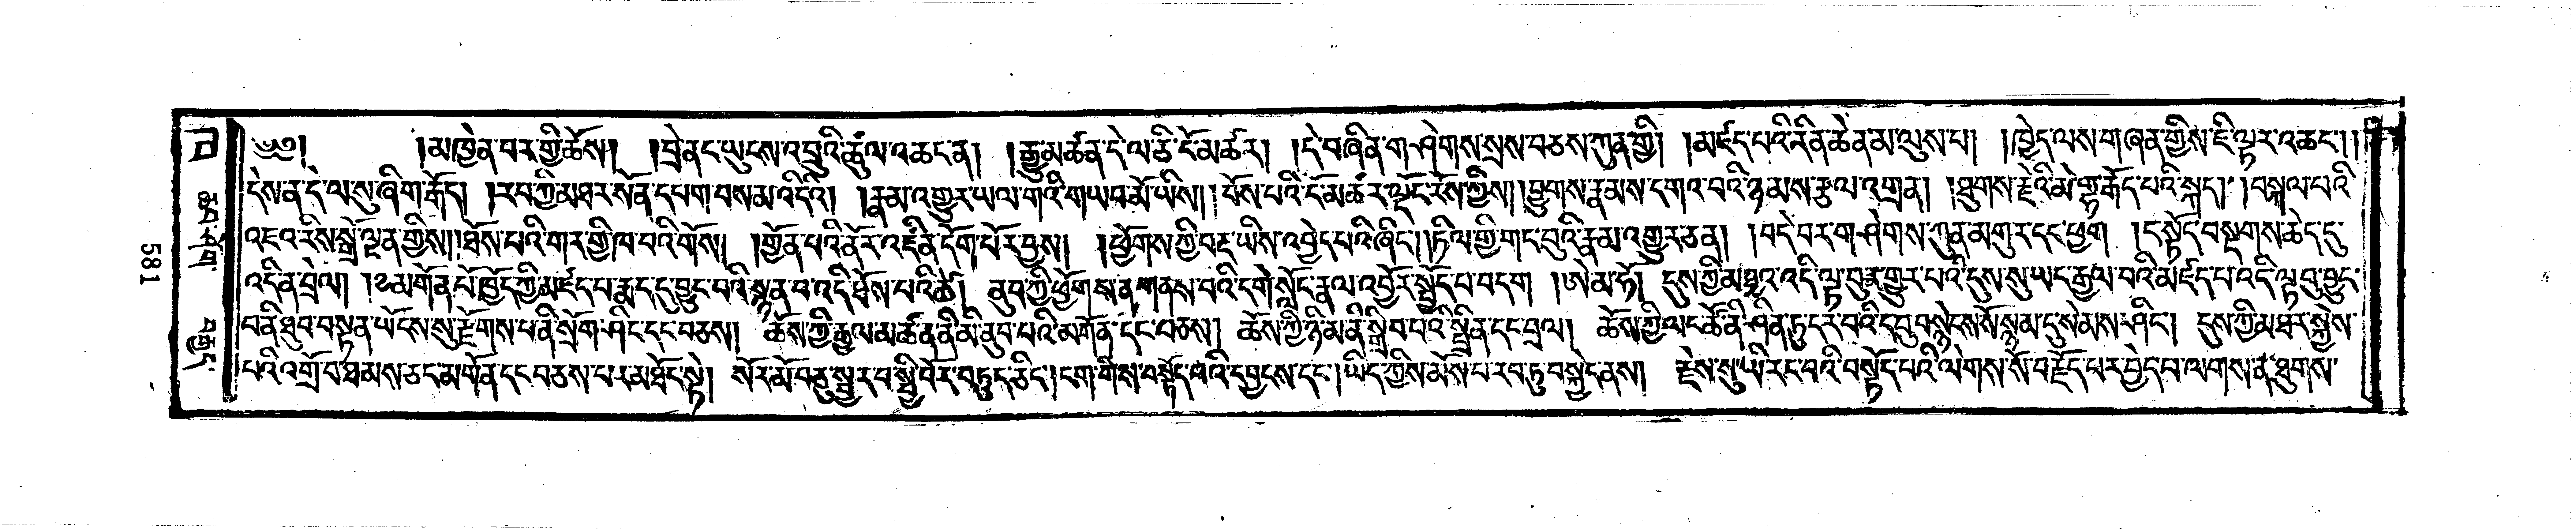༄༅། །མཁྱེན་བར་གྱི་ཆོས། །བྲེ་ནང་ཡུངས་འབྲུའི་ཚུལ་འཆང་ན། །རྒྱུ་མཚན་དེ་ལ་ཅི་ངོ་མཚར། །དེ་བཞིན་གཤེགས་སྲས་བཅས་ཀུན་གྱི། །མཛད་པའི་རིན་ཆེན་མ་ལུས་པ། །ཁྱེད་ལས་གཞན་གྱིས་ཇི་ལྟར་འཆང།།
དེས་ན་དེ་ལ་སུ་ཞིག་རྒོད། །རབ་ཀྱི་མཐར་སོན་དཔག་བསམ་འདིའི། །རྣམ་འགྱུར་ཡལ་གའི་གཡབ་མོ་ཡིས། །བོས་པའི་དོ་མཚར་ལྡོང་རོས་ཀྱིས། །བྱུགས་རྣམས་དགའ་བའི་ཉམས་རྩལ་འགྲན། །ཐུགས་རྗེའི་མེ་གྷ་རྒོད་པའི་སྐད། །བསྐལ་པའི་
འཇའ་རིས་སྒྲོ་ལྡན་གྱིས། །ཐོས་པའི་གར་གྱི་ཁ་བའི་གོས། །གྱོན་པའི་ནོར་འཛིན་དོག་པོར་བྱས། །ཕྱོགས་ཀྱི་བརྡ་ཡིས་འབྱེད་པའི་ཞིང་། །ཏིལ་གྱི་གང་བུའི་རྣམ་འགྱུར་ཅན། །བདེ་བར་གཤེགས་ཀུན་མགུར་དང་ཕྱག །ང་སྟོད་བསྔགས་ཆེད་དུ་
འདི་ན་བྲེལ། །༧་མགོན་པོ་ཁྱོད་ཀྱི་མཛད་པ་རྨད་དུ་བྱུང་བའི་སྙན་བ་འདི་ཐོས་པའི་ཚེ། ནུབ་ཀྱི་ཕྱོགས་ན་གནས་པའི་དགེ་སློང་རྣལ་འབྱོར་སྦྱོད་པ་བདག །ཨེ་མ་ཧོ། དུས་ཀྱི་མཐའ་འདི་ལྟ་བུ་ན་གྱུར་པའི་དུས་སུ་ཡང་རྒྱལ་བའི་མཛད་པ་འདི་ལྟ་བུ་བྱུང་
བ་ནི་ཐུབ་བསྟན་ཡོངས་སུ་རྫོགས་པ་ནི་སྲོག་ཤིང་དང་བཅས། ཆོས་ཀྱི་རྒྱལ་མཚན་ནི་མི་ནུབ་པའི་མགོན་དང་བཅས། ཆོས་ཀྱི་ཉི་མ་ནི་སྒྲིབ་པའི་སྤྲིན་དང་བྲལ། ཆོས་ཀྱི་ལང་ཚོ་ནི་ཤིན་ཏུ་ངར་བའི་དབུ་བསྙེངས་སོ་སྙམ་དུ་སེམས་ཤིང་། དུས་ཀྱི་མཐར་སྐྱེས་
པའི་འགྲོ་བ་ཐམས་ཅད་མགོན་དང་བཅས་པར་མཐོང་སྟེ། སོར་མོ་བཅུ་སྦྱར་བ་སྦྱི་བོར་བཏུད་ཅིང་། ངག་གིས་བསྟོད་པའི་དབྱངས་དང་། ཡིད་ཀྱིས་མོས་པ་རབ་ཏུ་བསྐྱེད་ནས། རྗེས་སུ་ཡི་རང་བའི་བསྟོད་པའི་ལེགས་སོ་བརྗོད་པར་བྱེད་བ་ལགས་ན་ཐུགས་